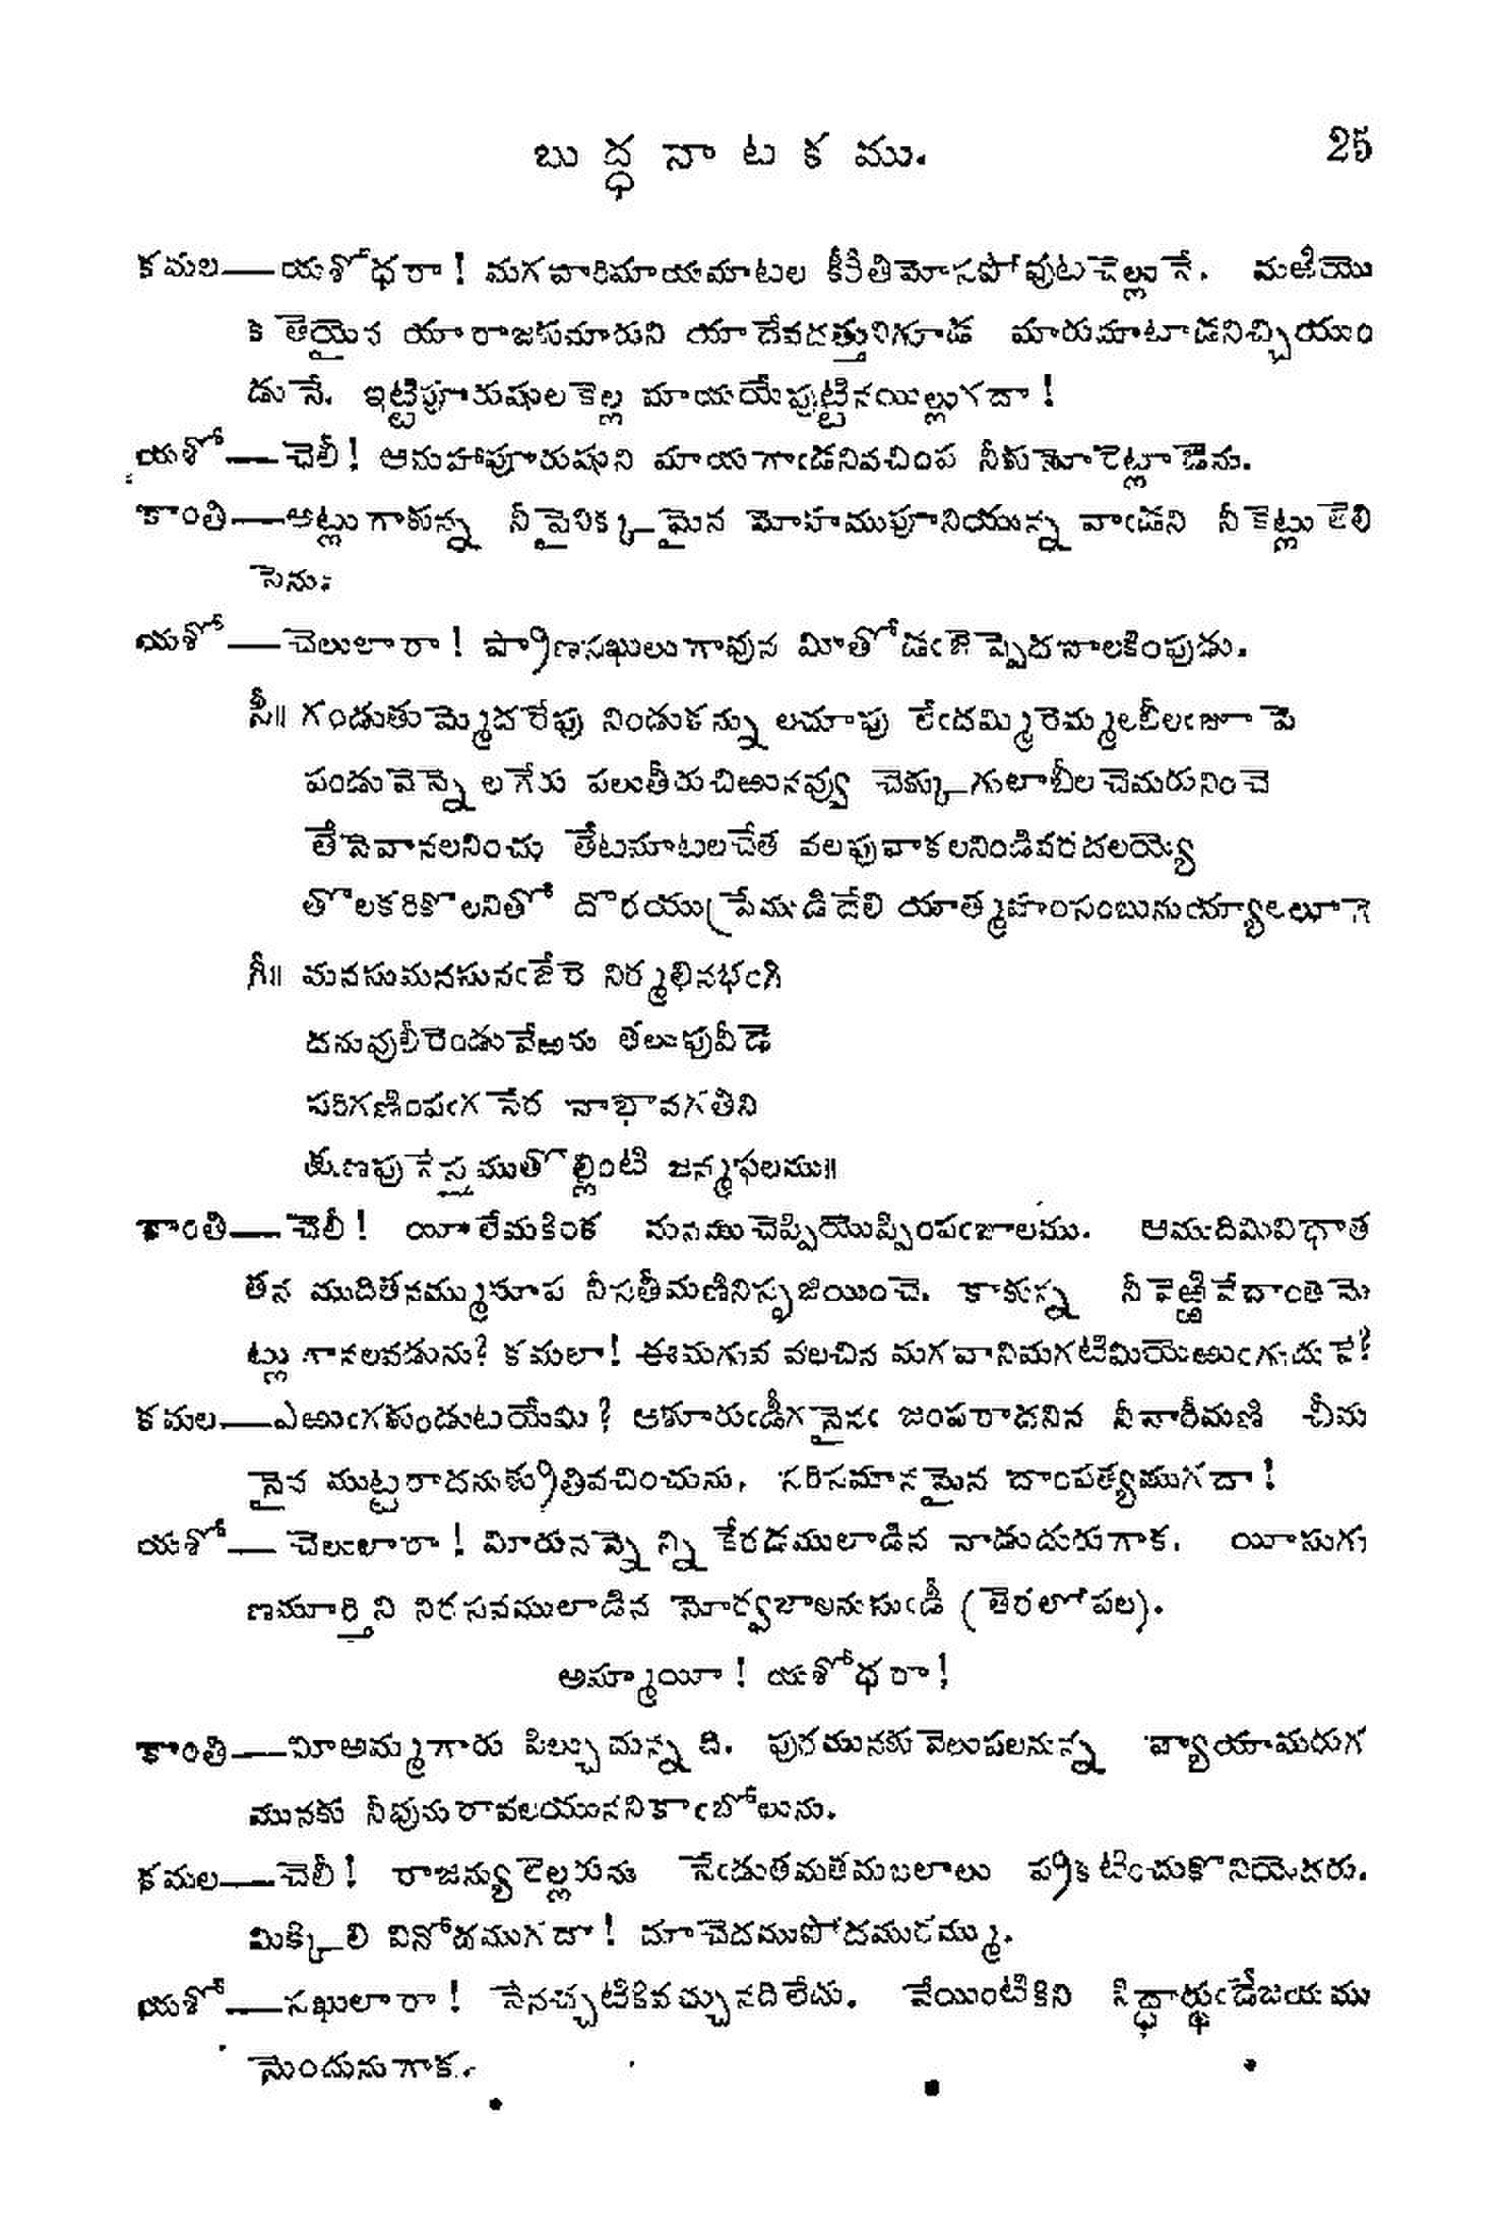కమల — యశోధరా! మగవారిమాయమాటల కీరీతిమోసపోవుటచెల్లునే. మఱియొకతెయైన యారాజకుమారుని యాదేవదత్తునిగూడ మారుమాటాడనిచ్చియుండునే. ఇట్టిపూరుషులకెల్ల మాయయేపుట్టినయిల్లుగదా!

యశో - చెలీ! ఆమహాపూరుషుని మాయగాఁడనివచింప నీకుమొరెట్లాడెను.

కాంతి — ఆట్లుగాకున్న నీపైనిక్కమైన మోహముపూనియున్న వాఁడని నీకెట్లు తెలిసెను.

యశో — చెలులారా! ప్రాణసఖులు గావున మీతోడఁజెప్పెదనాలకింపుడు.

సీ॥ గండుతుమ్మెదరేపు నిండుకన్నులచూపు లేఁదమ్మిరెమ్మలజీలఁజూపె
పండువెన్నెలగేరు పలుతీరుచిఱునవ్వు చెక్కుగులాబీల చెదరునించె
తేనివానలనించు తేటమాటలచేత వలపువాకలనిండివరదలయ్యే
తొలకరికొలనితో దొరయుప్రేముడిదేలి యాత్మహింసంబునుయ్యాలలూగె 

గీ॥ మనసుమనసునఁజేరె లినభంగి
దనువులీరెండువేఱను తలుపువీడె
పరిగణింపఁగనేర నాభావగతిని
క్షణపునేస్తముతోల్లింటి జన్మఫలము॥ 

కాంతి - చెలీ! యీలేమకింక మనము చెప్పియొప్పింపఁజాలము. ఆముదిమివిధాత తన ముదితనమ్మునూప నీసతీమణినిసృజియించె. కాకున్న నీవెఱ్ఱివేదాంతిమెట్లుగానలవడును? కమలా! ఈమగున వలచిన మగవానిమగటిమియెఱుఁగుదువే?

కమల - ఎఱుఁగకుండుటయేమి? ఆశూరుఁడీగనఁ జంపరాదనిన శ్రీ నారీమణి చీమనైన ముట్టరాదనుస్రుతివచించును. సరిసమానమైన దాంపత్యముగదా!

యశో - చెలులారా! మీరు నన్నెన్ని కేరడములాడిన నాడుదురుగాక. యీ సుగుణమూర్తిని నిరసనములాడిన మోర్వజాలనునుఁడీ (తెరలోపల).

కాంతి - మీఅమ్మగారు పిల్చుచున్నది. పురమునకు వెలుపలనున్న వ్యాయామరుగమునకు నీవురురావలయుననికాఁబోలును.

కమల - చెలీ! రాజన్యులెల్లరును నేఁడుతమతమబలాలు ప్రకటించుకొనియెదరు. మిక్కిలి వినోదముగదా! చూచెదముపోదమురమ్ము.
యజ్ఞోసఖులారా! నేనచ్చటికివచ్చునది లేదు. వేయింటికిని 

యశో - సఖులారా! నేనచ్చటికివచ్చునదిలేదు. వేయింటికిని సిద్ధార్థుఁడేజయము నెందునుగాక.